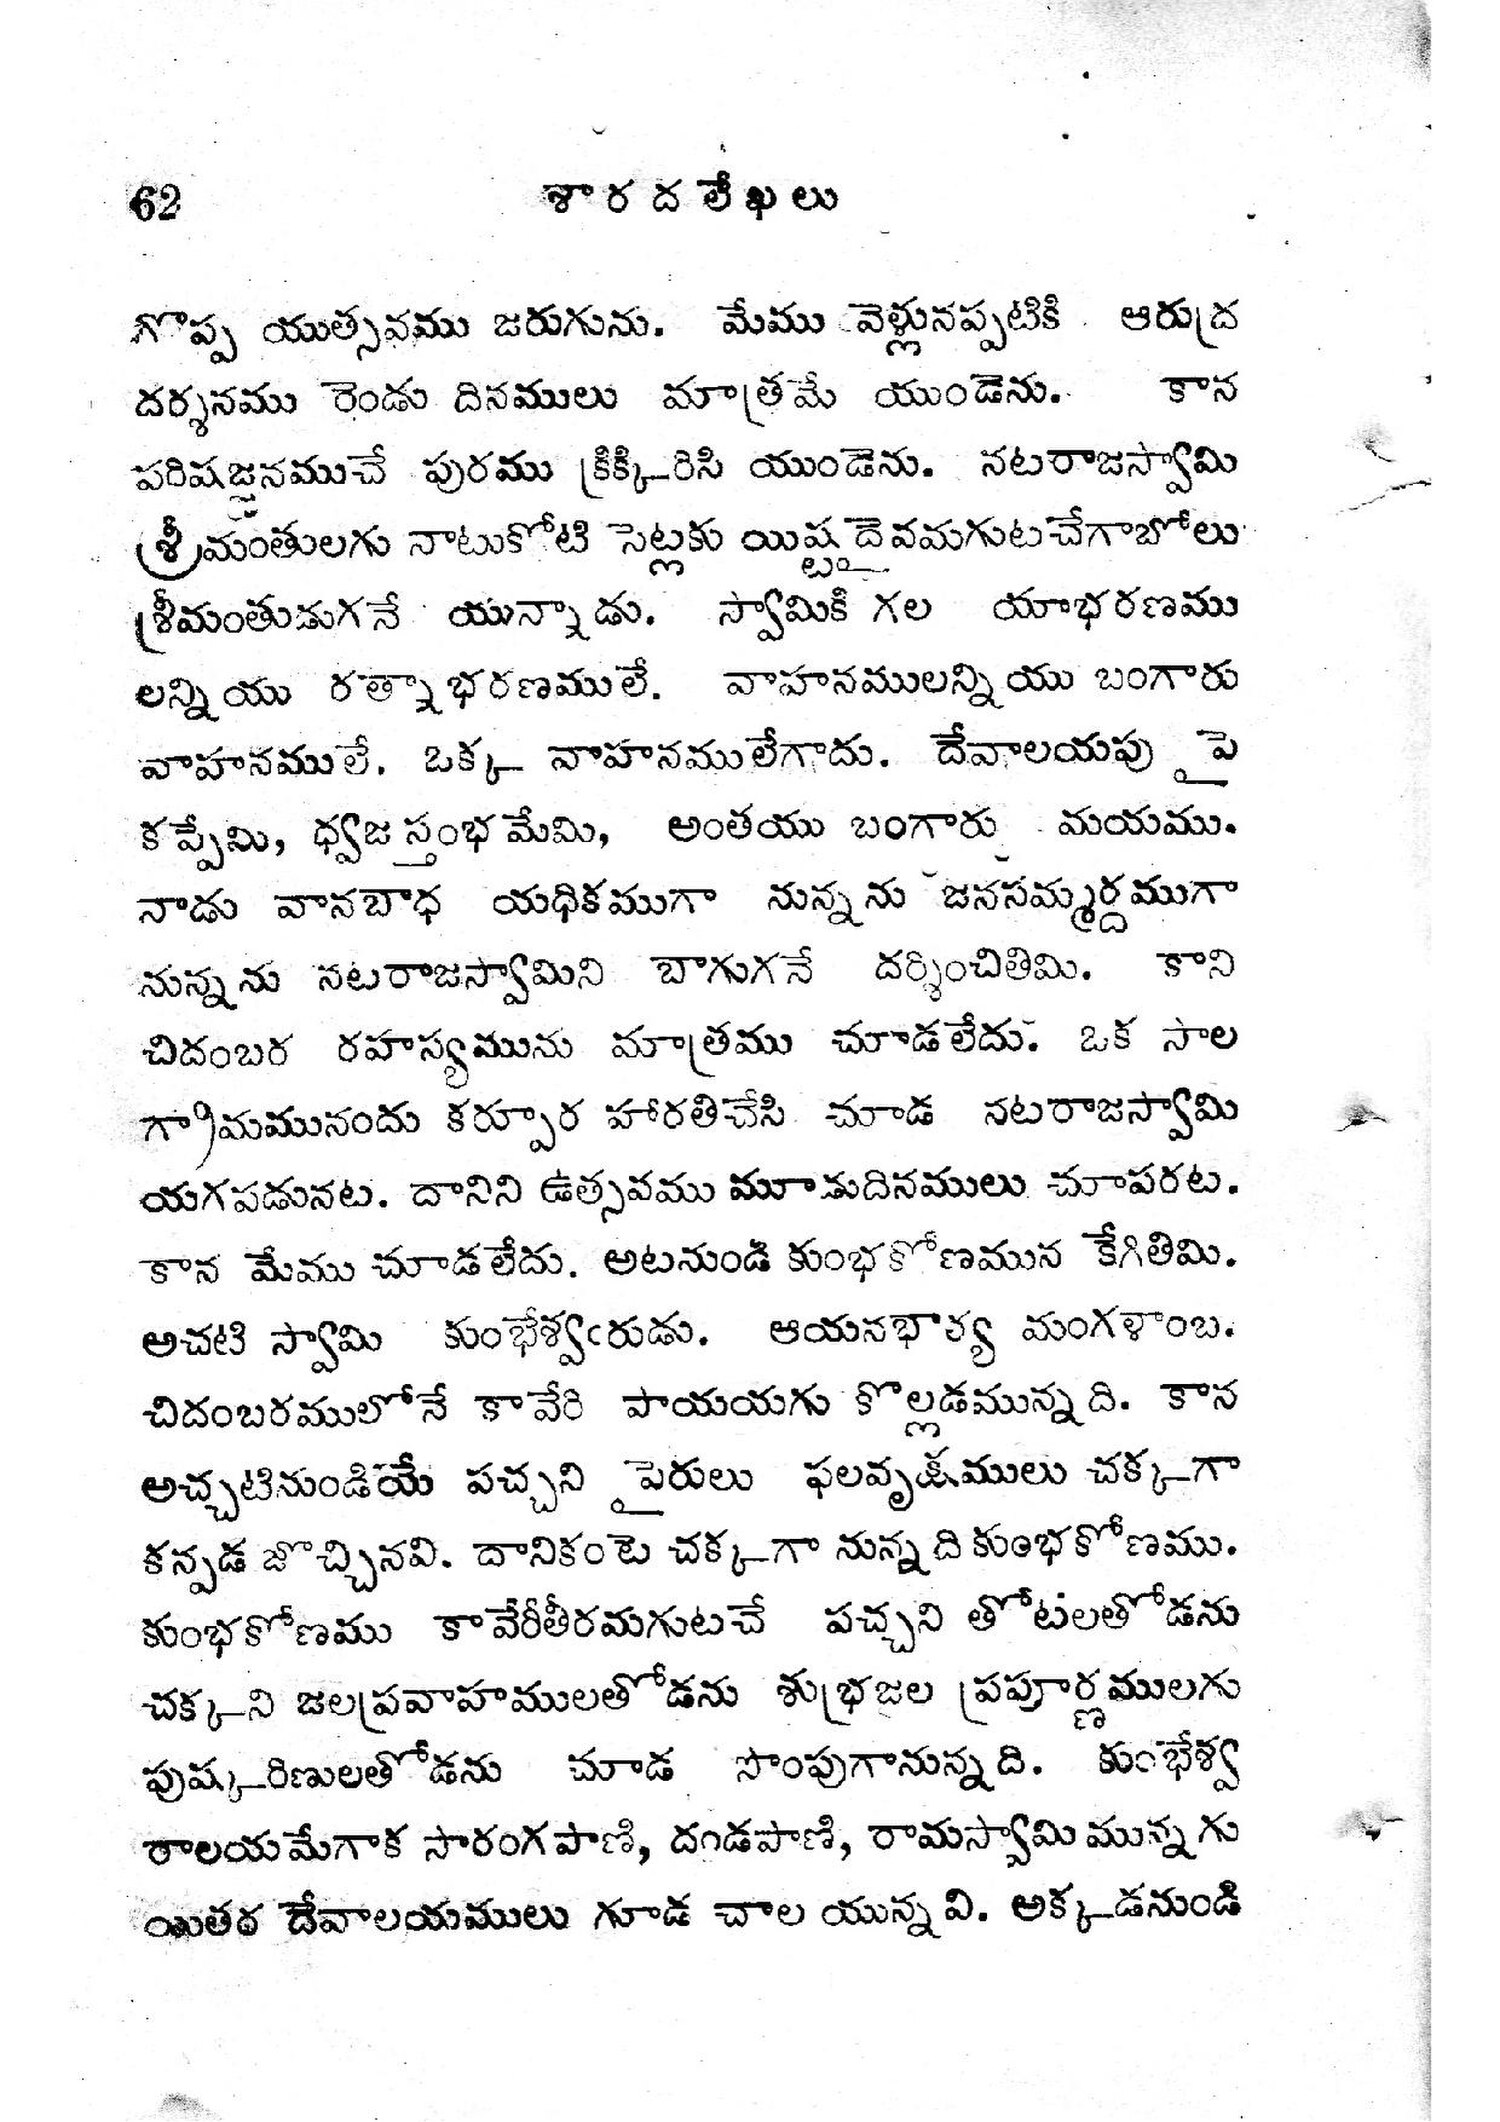గొప్ప యుత్సవము జరుగును. మేము వెళ్తునప్పటికి ఆరుద్ర దర్శనము రెండు దినములు మాత్రమే యుండెను. కాన పరిషజ్జనముచే పురము క్రిక్కిరిసి యుండెను. నటరాజస్వామి శ్రీమంతులగు నాటుకోటి సెట్లకు యిష్టదైవమగుటచేగాబోలు శ్రీమంతుడుగనే యున్నాడు. స్వామికి గల యాభరణము లన్నియు రత్నాభరణములే. వాహనములన్నియు బంగారు వాహనములే. ఒక్క వాహనములేగాదు. దేవాలయపు పై
కప్పేమి, ధ్వజస్తంభమేమి, అంతయు బంగారు మయము. నాడు వానబాధ యధికముగా నున్నను జనసమ్మర్దముగా నున్నను నటరాజస్వామిని బాగుగనే దర్శించితిమి. కాని చిదంబర రహస్యమును మాత్రము చూడలేదు. ఒక సాలగ్రామమునందు కర్పూర హారతిచేసి చూడ నటరాజస్వామి యగపడునట. దానిని ఉత్సవము మూడుదినములు చూపరట. కాన మేము చూడలేదు. అటనుండి కుంభకోణమున కేగితిమి. అచటి స్వామి కుంభేశ్వరుడు. ఆయనభార్య మంగళాంబ. చిదంబరములోనే కావేరి పాయయగు కొల్లడమున్నది. కాన అచ్చటినుండియే పచ్చని పైరులు ఫలవృక్షములు చక్కగా కన్పడ జొచ్చినవి. దానికంటె చక్కగా నున్నది కుంభకోణము. కుంభకోణము కావేరీతీరమగుటచే పచ్చని తోటలతోడను చక్కని జలప్రవాహములతోడను శుభ్రజల ప్రపూర్ణములగు పుష్కరిణులతోడను చూడ సొంపుగానున్నది. కుంభేశ్వరాలయమేగాక సారంగపాణి, దండపాణి, రామస్వామి మున్నగు యితర దేవాలయములు గూడ చాల యున్నవి. అక్కడనుండి